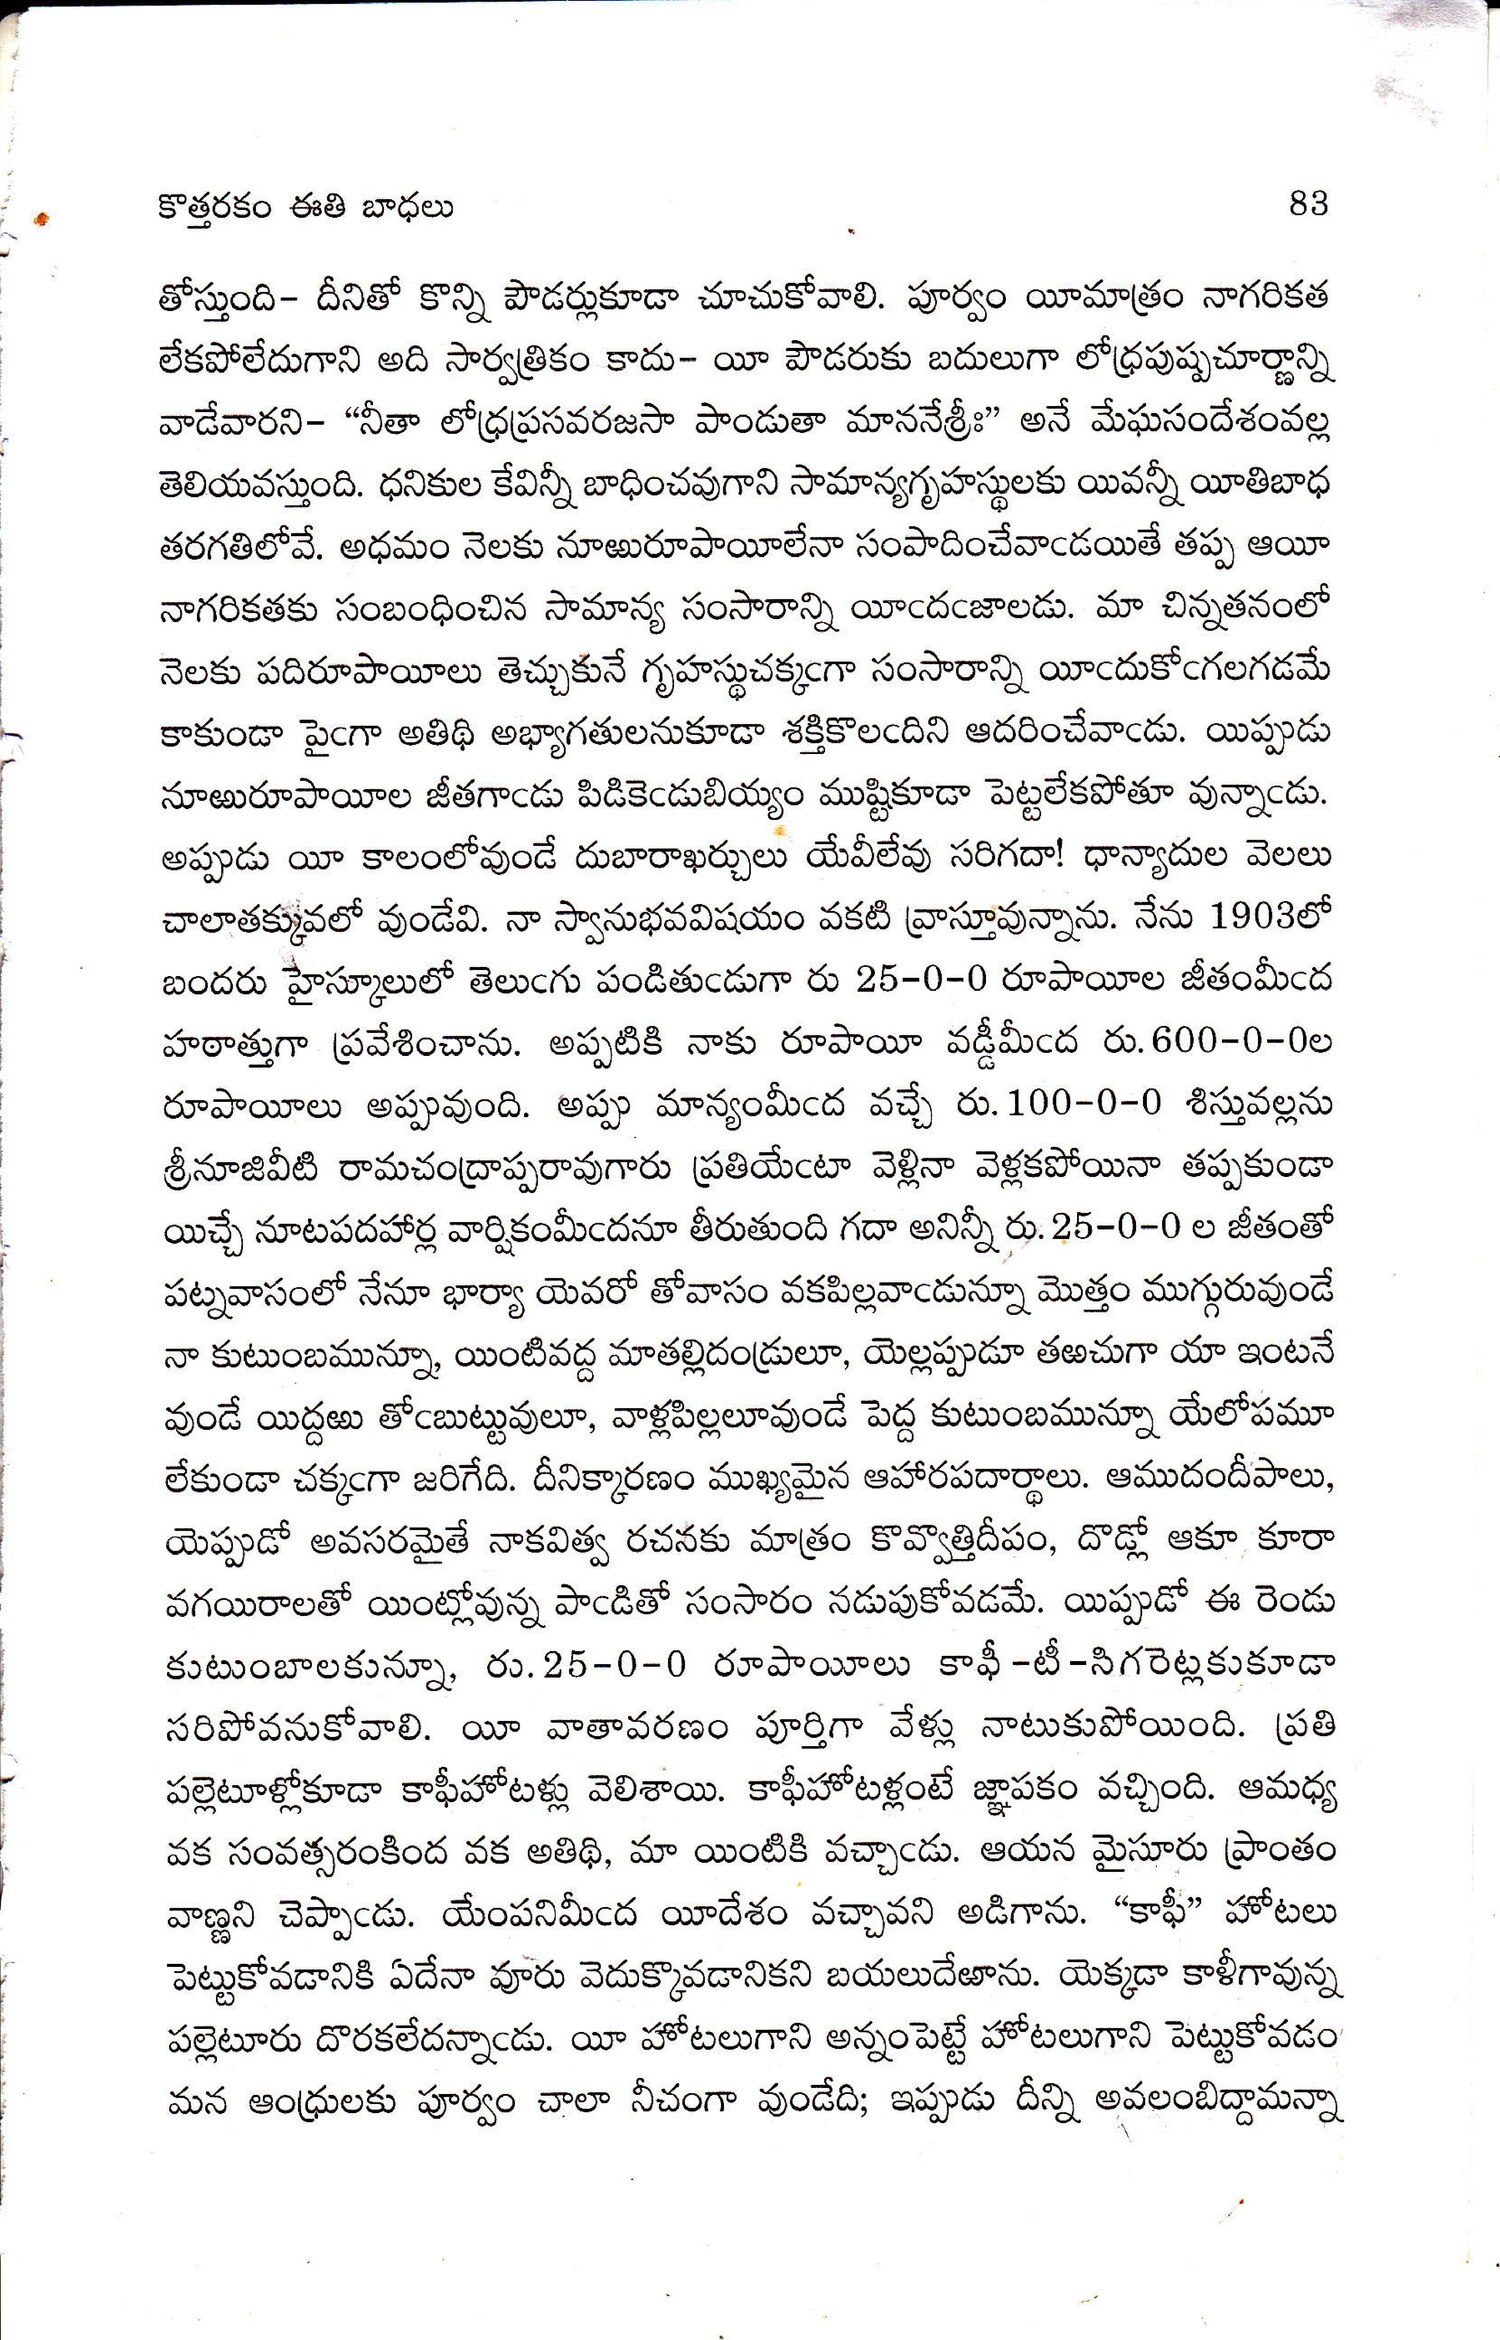తోస్తుంది- దీనితో కొన్ని పౌడర్లుకూడా చూచుకోవాలి. పూర్వం యీమాత్రం నాగరికత లేకపోలేదుగాని అది సార్వత్రికం కాదు- యీ పౌడరుకు బదులుగా లో ధ్రపుష్పచూర్ణాన్ని వాడేవారని- "నీతా లో ధ్రప్రసవరజసా పాండుతా మాననే శ్రీః" అనే మేఘసందేశంవల్ల తెలియవస్తుంది. ధనికుల కేవిన్నీ బాధించవుగాని సామాన్యగృహస్టులకు యివన్నీయితిబాధ తరగతిలోవే. అధమం నెలకు నూఱురూపాయీలేనా సంపాదించేవాఁడయితే తప్ప ఆయీ నాగరికతకు సంబంధించిన సామాన్య సంసారాన్ని యీందంజాలడు. మా చిన్నతనంలో నెలకు పదిరూపాయిలు తెచ్చుకునే గృహస్టుచకంగా సంసారాన్ని యీcదుకోcగలగడమే కాకుండా పైంగా అతిథి అభ్యాగతులనుకూడా శక్తికొలందిని ఆదరించేవాండు. యిప్పడు నూఱురూపాయిల జీతగాఁడు పిడికెండుబియ్యం ముష్టికూడా పెట్టలేకపోతూ వున్నాండు. అప్పడు యీ కాలంలోవుండే దుబారాఖర్చులు యేవీలేవు సరిగదా! ధాన్యాదుల వెలలు చాలాతక్కువలో వుండేవి. నా స్వానుభవవిషయం వకటి వ్రాస్తూవున్నాను. నేను 1903లో బందరు హైస్కూలులో తెలుంగు పండితుండుగా రు 25-0-0 రూపాయిల జీతంమీంద హఠాత్తుగా ప్రవేశించాను. అప్పటికి నాకు రూపాయి వడ్డీమీంద రు.600-0-0ల రూపాయిలు అప్పవుంది. అప్ప మాన్యంమీంద వచ్చే రు. 100–0–0 శిస్తువల్లను శ్రీనూజివీటి రామచంద్రాప్పరావుగారు ప్రతియేంటా వెళ్లినా వెళ్లకపోయినా తప్పకుండా యిచ్చే నూటపదహార్ల వార్షికంమీందనూ తీరుతుంది గదా అనిన్నీ రు.25-0–0 ల జీతంతో పట్నవాసంలో నేనూ భార్యా యెవరో తోవాసం వకపిల్లవాఁడున్నూ మొత్తం ముగ్గురువుండే నా కుటుంబమున్నూ, యింటివద్ద మాతల్లిదండ్రులూ, యెల్లప్పడూ తఱచుగా యా ఇంటనే వుండే యిద్దఱు తోCబుట్టువులూ, వాళ్లపిల్లలూవుండే పెద్ద కుటుంబమున్నూ యేలోపమూ లేకుండా చకంగా జరిగేది. దీనిక్కారణం ముఖ్యమైన ఆహారపదార్థాలు. ఆముదందీపాలు, యెప్పడో అవసరమైతే నాకవిత్వ రచనకు మాత్రం కొవ్వొత్తిదీపం, దొడ్లో ఆకూ కూరా వగయిరాలతో యింట్లోవున్న పాండితో సంసారం నడుపుకోవడమే. యిప్పడో ఈ రెండు కుటుంబాలకున్నూ, రు. 25-0-0 రూపాయిలు కాఫీ -టీ -సిగరెట్లకుకూడా సరిపోవనుకోవాలి. యీ వాతావరణం పూర్తిగా వేళ్లు నాటుకుపోయింది. ప్రతి పల్లెటూల్లోకూడా కాఫీహోటళ్లు వెలిశాయి. కాఫీహోటళ్లంటే జ్ఞాపకం వచ్చింది. ఆమధ్య వక సంవత్సరంకింద వక అతిథి, మా యింటికి వచ్చాండు. ఆయన మైసూరు ప్రాంతం వాణ్ణని చెప్పాండు. యేంపనిమీంద యీదేశం వచ్చావని అడిగాను. “కాఫీ హోటలు పెట్టుకోవడానికి ఏదేనా వూరు వెదుక్కొవడానికని బయలుదేలాను. యొక్కడా కాళీగావున్న పల్లెటూరు దొరకలేదన్నాండు. యీ హోటలుగాని అన్నంపెట్టే హోటలుగాని పెట్టుకోవడం మన ఆంధ్రులకు పూర్వం చాలా నీచంగా వుండేది; ఇప్పడు దీన్ని అవలంబిద్దామన్నా